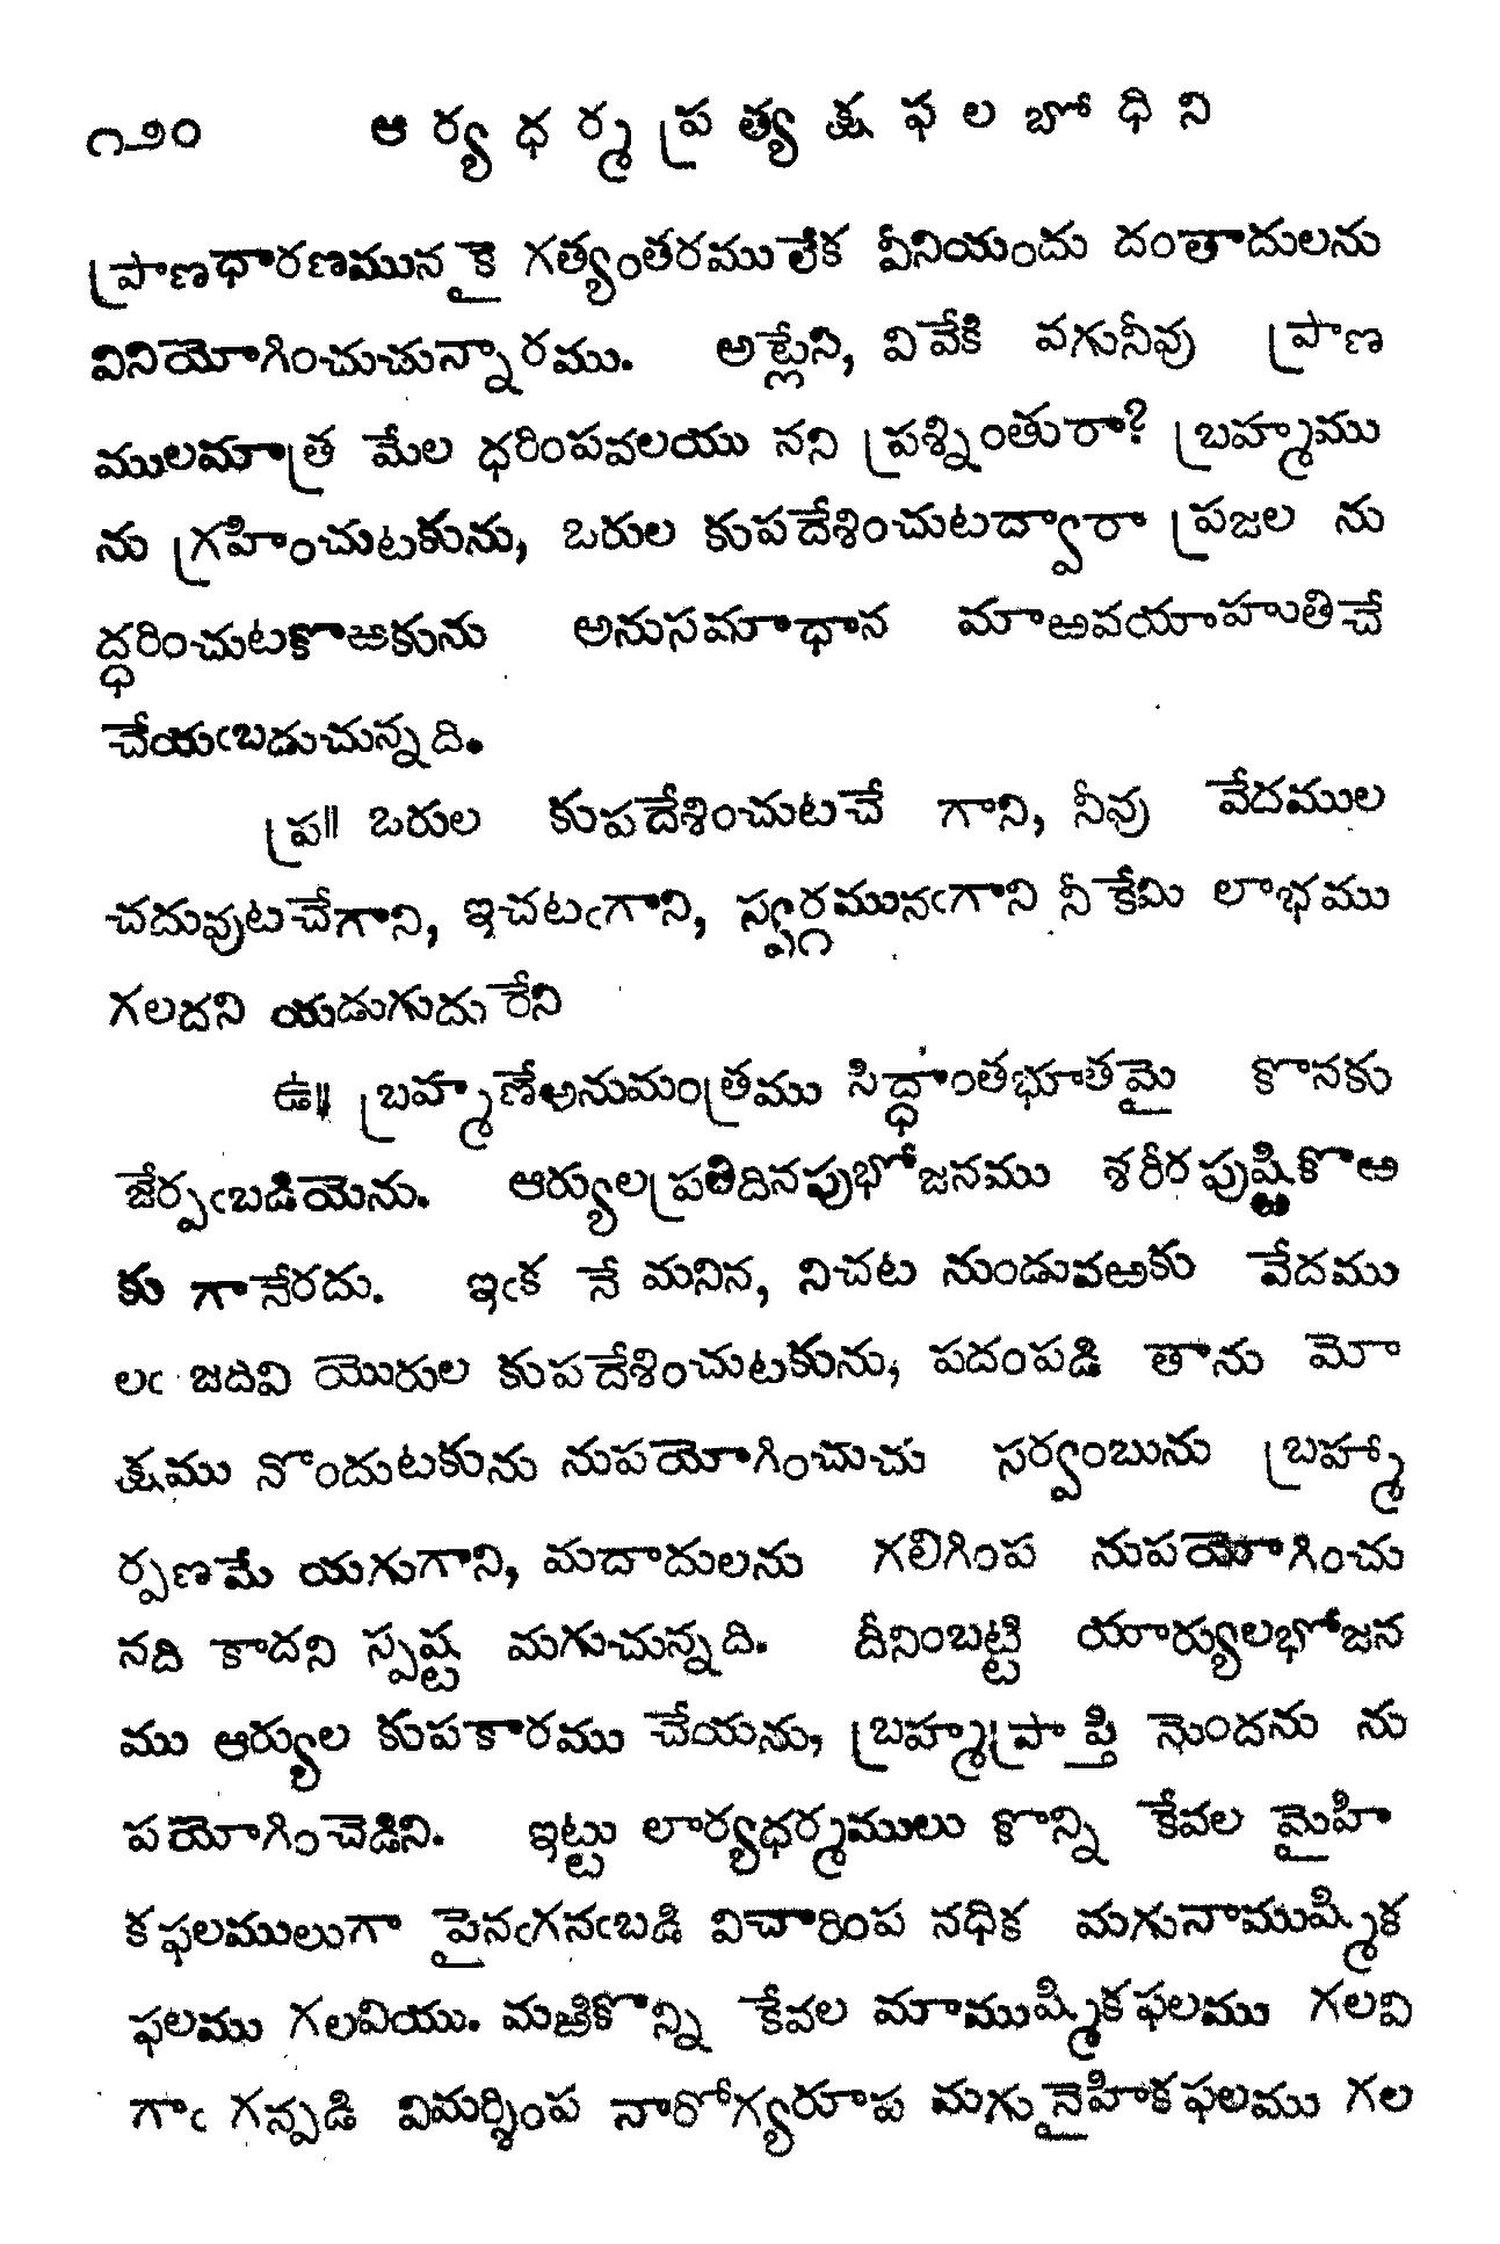ప్రాణధారణమునకై గత్యంతరములేక వీనియందు దంతాదులను వినియోగించుచున్నారు. అట్లేని, వివేకి వగునీవు ప్రాణములమాత్ర మేల ధరింపవలయు నని ప్రశ్నింతురా? బ్రహ్మమును గ్రహించుటకును, ఒరుల కుపదేశించుటద్వారా ప్రజల నుద్ధరించుటకొఱకును అనుసమాధాన మాఱవయాహుతిచే చేయఁబడుచున్నది.

ప్ర॥ ఒరుల కుపదేశించుటచే గాని, నీవు వేదముల చదువుటచేగాని, ఇచటఁగాని, స్వర్గమునఁగాని నీ కేమి లాభము గలదని యడుగుదురేని

ఉ॥ బ్రహ్మణేఅనుమంత్రము సిద్ధాంతభూతమై కొనకు జేర్పఁబడియెను. ఆర్యులప్రతిదినపుభోజనము శరీరపుష్టికొఱకు గానేరదు. ఇఁక నే మనిన, నిచట నుండువఱకు వేదములఁ జదివి యొరుల కుపదేశించుటకును, పదంపడి తాను మోక్షము నొందుటకును నుపయోగించుచు సర్వంబును బ్రహ్మార్పణమే యగుగాని, మదాదులను గలిగింప నుపయోగించునది కాదని స్పష్ట మగుచున్నది. దీనింబట్టి యార్యులభోజనము ఆర్యుల కుపకారము చేయను, బ్రహ్మప్రాప్తి నొందను నుపయోగించెడిని. ఇట్టు లార్యధర్మములు కొన్ని కేవల యైహికఫలములుగా పైనఁగనఁబడి విచారింప నధిక మగునాముష్మిక ఫలము గలవియు. మఱికొన్ని కేవల మాముష్మిక ఫలము గలవిగాఁ గన్పడి విమర్శింప నారోగ్యరూప మగునైహికఫలము గల